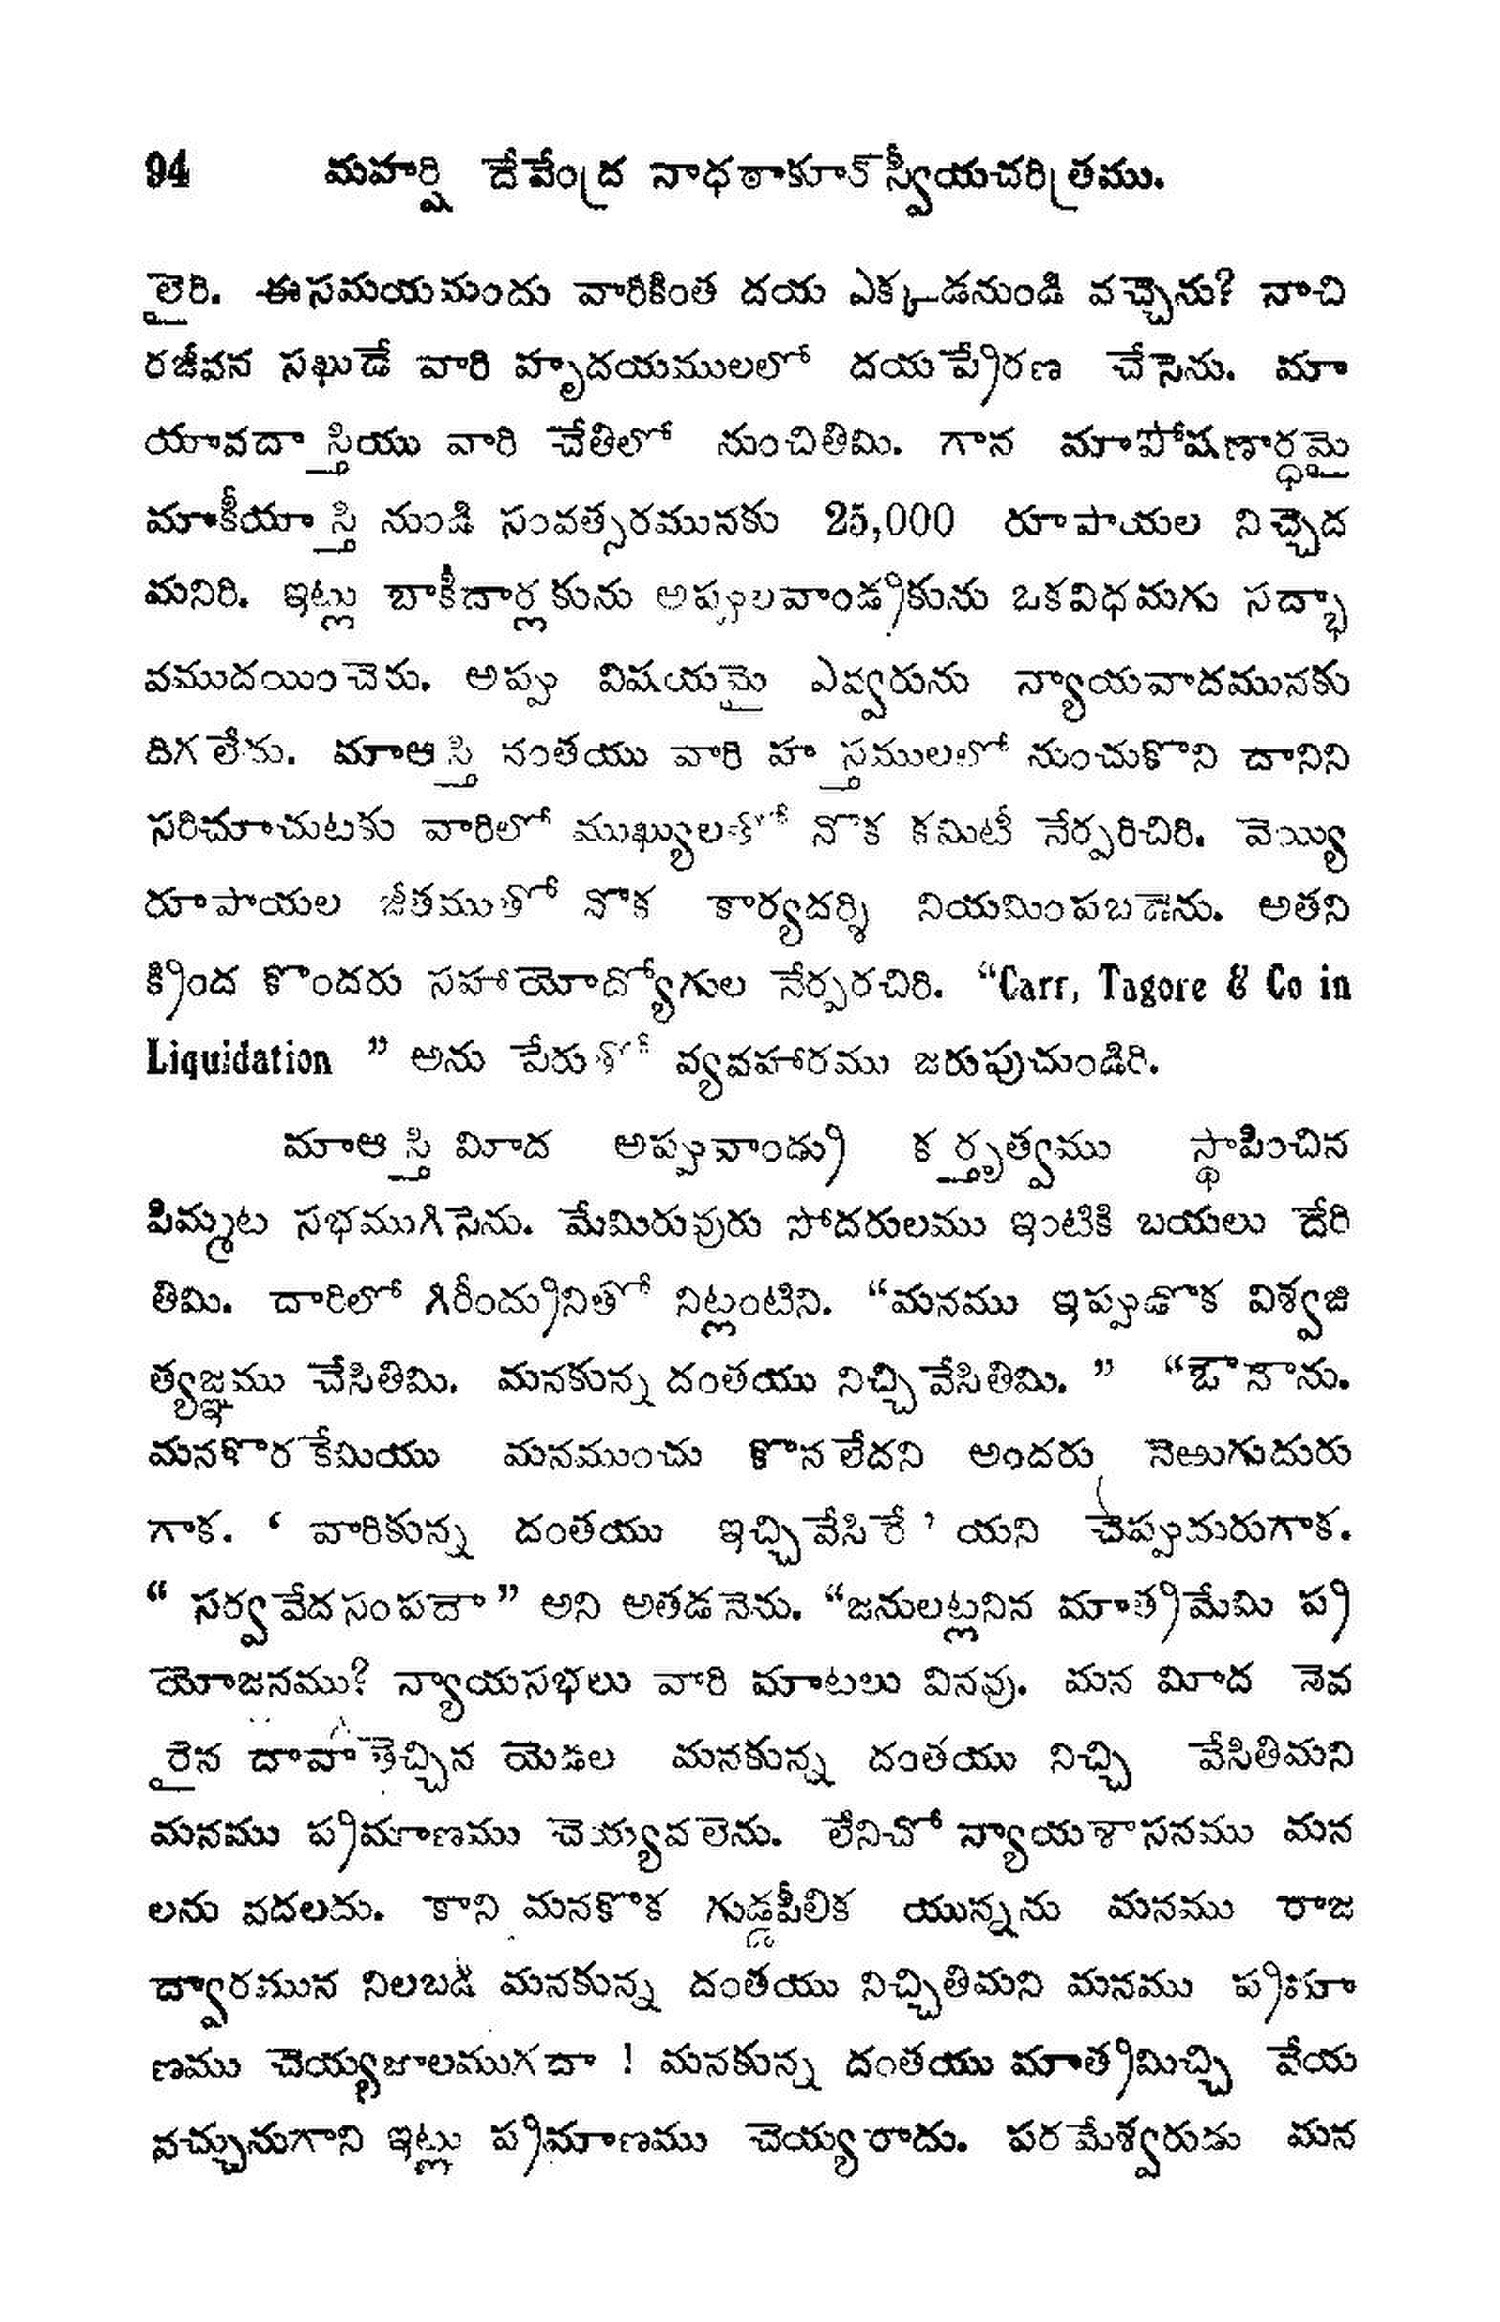లైరి. ఈ సమయమందు వారికింత దయ ఎక్కడనుండి వచ్చెను? 
నాచిరజీవన సఖుడే వారి హృదయములలో దయ ప్రేరణ చేసెను. 
మాయావదా స్తియు వారి చేతిలో నుంచితిమి, గాన మాపోషణార్ధమై
మాకీయాస్తి నుండి సంవత్సరమునకు 25,000 రూపాయల నిచ్చెద
మనిరి. ఇట్లు బాకీ దార్లకును అప్పులవాండ్రకును ఒక విధమగు సద్భావ
ముదయించెను. అప్పు విషయమై ఎవ్వరును న్యాయవాదమునకు
దిగ లేదు. మా ఆస్తినంతయు వారి హస్తములలో నుంచుకొని దానిని
సరిచూచుటకు వారిలో ముఖ్యులకతో " నొక కమిటీ నేర్పరిచిరి. వెయ్యి
రూపాయల జీతముతో నొక కార్యదర్శి నియమింపబడెను. అతని
కింద కొందరు సహా యోద్యోగుల నేర్పరచిరి. "Carr, Tagore & Co 
in Liquidation అను పేరు వ్యవహారము జరుపుచుండిరి.

మా ఆస్తి మీద అప్పుగాండ్రు, కర్తృత్వము సాపించిన పిమ్మట 
సభముగిసెను. మేమిరువురు సోదరులము ఇంటికి బయలు దేరితిమి. 
దారిలో గిరీంద్రునితో నిట్లంటిని. “మనము ఇప్పుడొక విశ్వజిత్యజ్ఞము 
చేసితిమి. మనకున్న దంతయు నిచ్చి వేసితిమి. "“ఔనౌను.
మనకొర కేమియు మనముంచు కొనలేదని అందరు నెఱుగుదురు గాక.
వారికున్న దంతయు ఇచ్చి వేసిరే ' యని చెప్పుదురుగాక.
సర్వ వేద సంపదౌ ” అని అతడనెను. “జనులట్లనిన మాత్రమేమి 
ప్రయోజనము? న్యాయసభలు వారి మాటలు వినవు. మన మీద నెవ
రైనదావా తెచ్చిన యెడల మనకున్న దంతయు నిచ్చి వేసితిమని
మనము ప్రమాణము చెయ్యవలెను. లేనిచో న్యాయశాసనము మన
లను వదలదు. కాని మనకొక గుడ్డపీలిక యున్నను మనము రాజు
ద్వారమున నిలబడి మనకున్న దంతయు నిచ్చితిమని మనము 
ప్రమాణము చెయ్య జాలముగ దా ! మనకున్న దంతయు మాతమిచ్చి వేయ
వచ్చును గాని ఇట్లు ప్రమాణము చెయ్య రాదు. పర మేశ్వరుడు మన

.